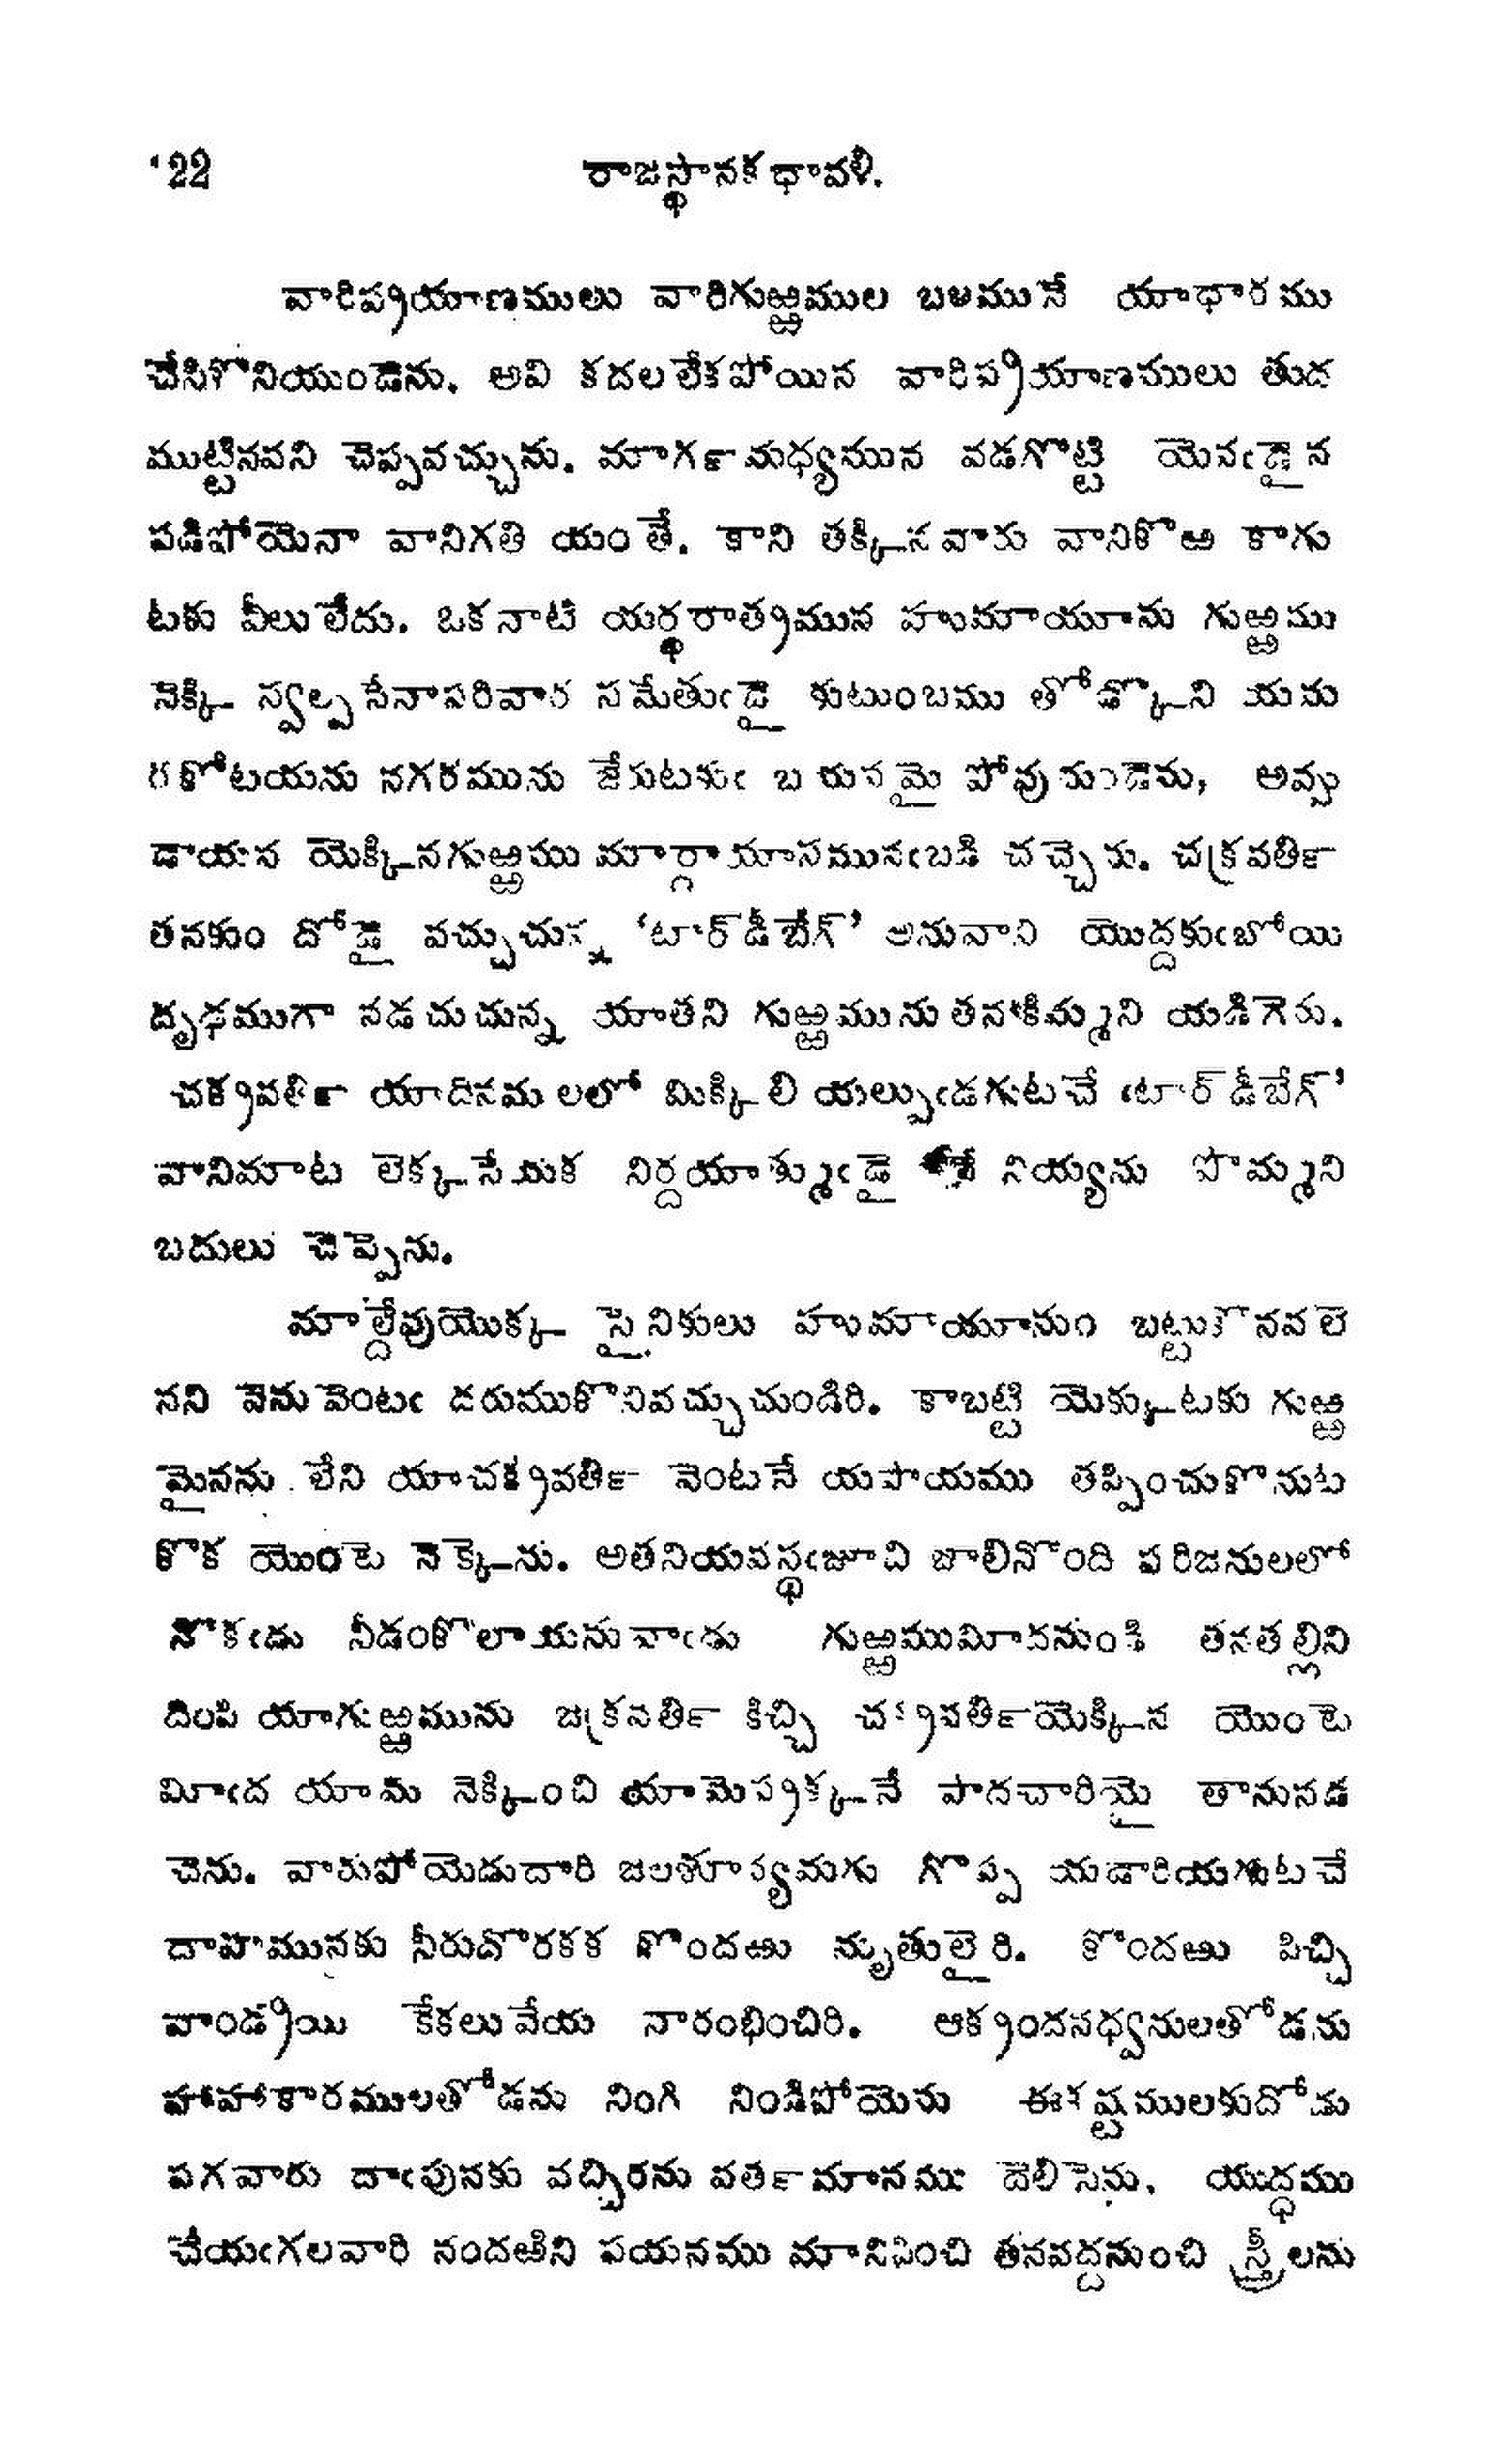వారిప్రయాణములు వారి గుఱ్ఱముల బలమునే యాధారము చేసికొనియుండెను. అవి కదలలేక పోయిన వారిప్రయాణములు తుద
ముట్టినవని చెప్పవచ్చును. మాగ౯ మధ్యమున వడగొట్టి యెవఁడై న పడిపోయెనా వానిగతి యంతే. కాని తక్కిన వారు వానికొఱ కాగుటకు వీలు లేదు. ఒక నాటి యర్థరాత్రమున హుమాయూను గుఱ్ఱము నెక్కి స్వల్ప సేనాపరివార సమేతుఁడై కుటుంబము తోడ్కొని యమరకోట
యను నగరమును జేరుటకుఁ బయనమై పోవు చుండెను. అప్పుడాయన యెక్కిన గుఱ్ఱము మార్గా యాసమునఁబడి చచ్చెను. చక్రవతి౯
తనకుం దోడై వచ్చుచున్న 'టార్ డీ బేగ్' అనువాని యొద్దకుఁబోయి దృఢముగా నడచుచున్న యాతని గుఱ్ఱమును తనకిమ్మని యడిగెను.
చక్రవతి౯ యాదినములలో మిక్కిలి యల్పుఁడగుటచే 'టార్ డీ బేగ్' వానిమాట లెక్క సేయక నిర్దయాత్ముండై నియ్యను పొమ్మని
బదులు చెప్పెను.

మాల్దీవు యొక్క సైనికులు హుమాయూనుం బట్టుకొనవలెనని వెను వెంటఁ దరుముకొనివచ్చుచుండిరి. కాబట్టి యెక్కుటకు గుఱ్ఱమైనను లేని యాచక్రవతి౯ వెంటనే యపాయము తప్పించుకొనుట కొక యొంటె నెక్కెను. అతనియవస్థఁజూచి జాలినొంది పరిజనులలో నొకఁడు నీడంకోలాయను వాఁడు గుఱ్ఱముమీదనుండి తనతల్లిని దింపి యాగుఱ్ఱమును జక్రవతి౯ కిచ్చి చక్రవతి౯ యెక్కిన యొంటె మీద యామె నెక్కించి యామె పక్కనే పాదచారియై తానునడచెను. వారు పోయెడు దారి జలశూన్యమగు గొప్ప యడారియగుటచే దాహమునకు నీరు దొరకక కొందఱు మృతులైరి. కొందఱు పిచ్చివాండ్రయి కేకలు వేయ నారంభించిరి. ఆక్రందనధ్వనులతోడను హాహాకారములతోడను నింగి నిండిపోయెను ఈ కష్టములకు దోడు పగవారు దాఁపునకు వచ్చిరను వత౯మానము దెలిసెను, యుద్ధము చేయఁగలవారి నందఱిని పయనము మానిపించి తనవద్దనుంచి స్త్రీలను